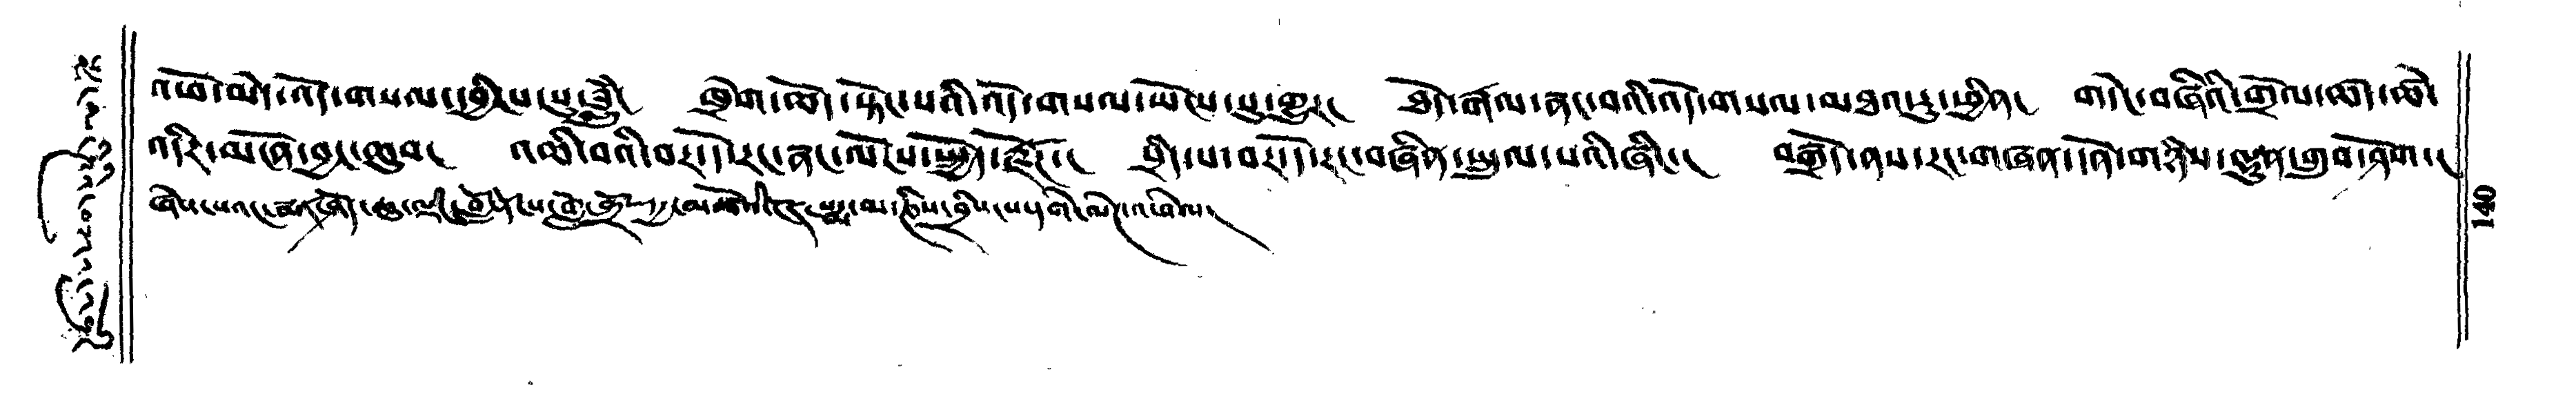འཕོ་མེད་འོད་གསལ་དབྱིངས་སུ་ཟླུམ། ཁྲེགས་ཆོད་སྟོང་པའི་འོད་གསལ་ཡོངས་སུ་གྱུར། །ཐོད་རྒལ་སྣང་བའི་འོད་གསལ་མཐའ་རུ་ཕྱིན། །གདེང་བཞིའི་གྲོལ་ཚད་ཚེ་
འདིར་མངོན་བྱང་ཆུབ། །འཆི་བའི་བར་དོ་རང་སྣང་ལོངས་སྤྱོད་རྫོགས། །སྲིད་པ་བར་དོ་རང་བཞིན་སྤྲུལ་པའི་ཞིང་། །བགྲོད་ནས་རང་གཞན་དོན་གཉིས་ལྷུན་གྲུབ་ཤོག 
ཅེས་པའང་སྨར་ཤོད་ཆུ་ལྡིང་བླ་མ་དམ་པ་བློ་གྲོས་རྒྱ་མཚོའི་ངོར་པདྨ་མ་ཎིས་བྲིས་པ་དགེ་ལེགས་འཕེལ།།